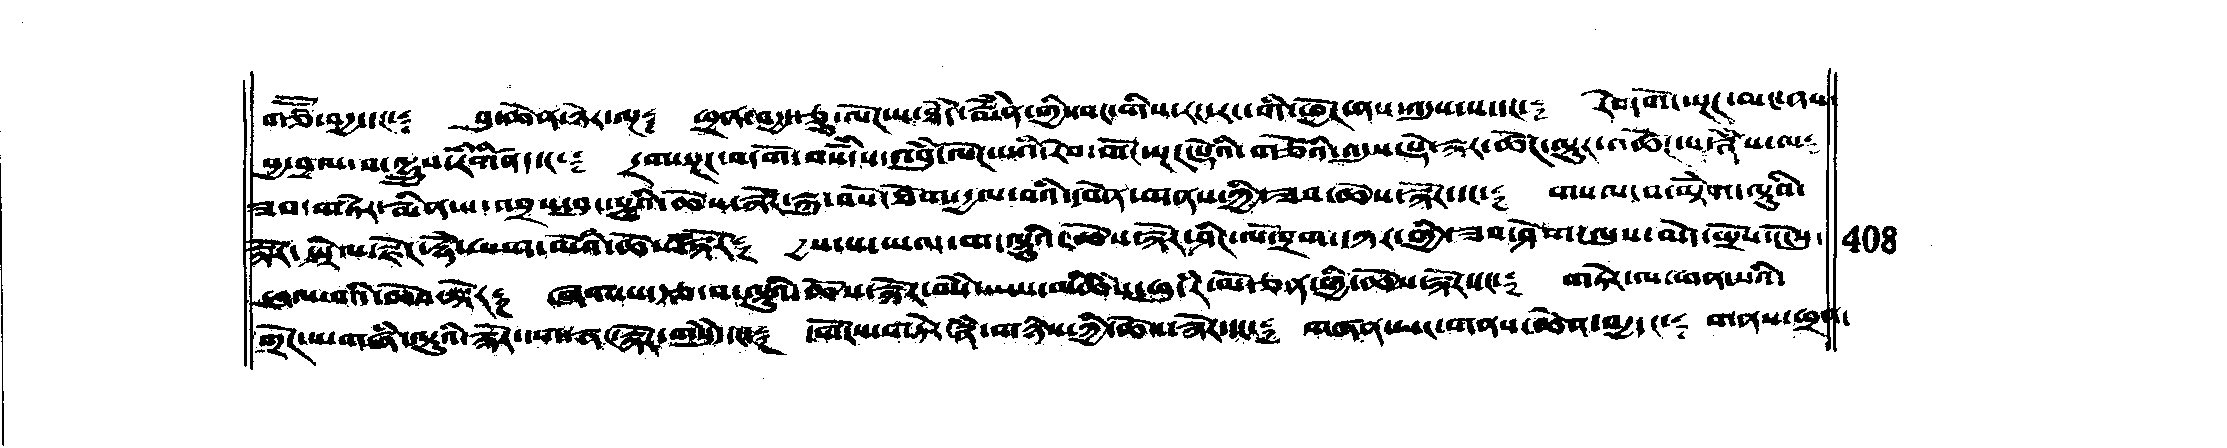གཙོ་བོ་བརྒྱ་དང་། བུ་ཆེན་ཉེར་ལྔ། ཕྲན་བརྒྱད་ཅུ་ལ་སོགས་པ་ཐམས་ཅད་སྨོན་ལམ་གྱི་དབང་གིས་རང་རང་གི་ཕྱོགས་ནས་འདུས་པ་དང་། རེབ་གོང་སྔགས་མང་ནས་
བྱ་བྲལ་བ་ལྷུན་གྲུབ་རིག་འཛིན་དང་། དྲག་སྔགས་བདག་པོ་བསོད་ནམས་འབུམ་ལ་སོགས་པའི་རེབ་གོང་སྔགས་སྡེའི་གཙོའི་འདུས་སྡེ་སྐར་ཚོགས་ལྟ་བུར་ཚོགས་པ་རྣམས་ལ། 
ཟབ་གཏེར་སྨིན་པ་འབྲས་བུ་ལྟ་བུའི་ཆོས་སྐོར་སྐུ་བསོ་ཐོག་རྒྱལ་བའི་དབེན་གནས་ཀྱི་ཟབ་ཆོས་སྐོར་དང་། གསལ་བ་མེ་ཏོག་ལྟ་བུའི་
སྐོར་སྤྲེལ་རྫོང་རྡོ་རྗེ་ཕག་མོའི་ཆོས་སྐོར། རྒྱས་པ་ཡལ་ག་ལྟ་བུའི་ཆོས་སྐོར་ཤིང་ལོ་བྲག་དཀར་གྱི་ཟབ་ཤོག་ལུས་མེད་མཁའ་འགྲོས་དངོས་སུ་
ཕུལ་བའི་ཆོས་སྐོར། ཞག་པ་རྩ་བ་ལྟ་བུའི་ཆོས་སྐོར་བསམ་ཡས་མཆིམས་ཕུ་རི་མོ་ཅན་གྱི་ཆོས་སྐོར་དང་། གཏེར་ལ་ཕན་པའི་
གྲོགས་ས་གཞི་ལྟ་བུའི་སྐོར་དག་སྣང་སྐོར་གསུམ་དང་། དགོངས་གཏེར་རྣམས་གཉིས་ཀྱི་ཆོས་སྐོར་དང་།གཞན་ཡང་གནས་ཆེན་བརྒྱད་དང་། གནས་ཕྲན་